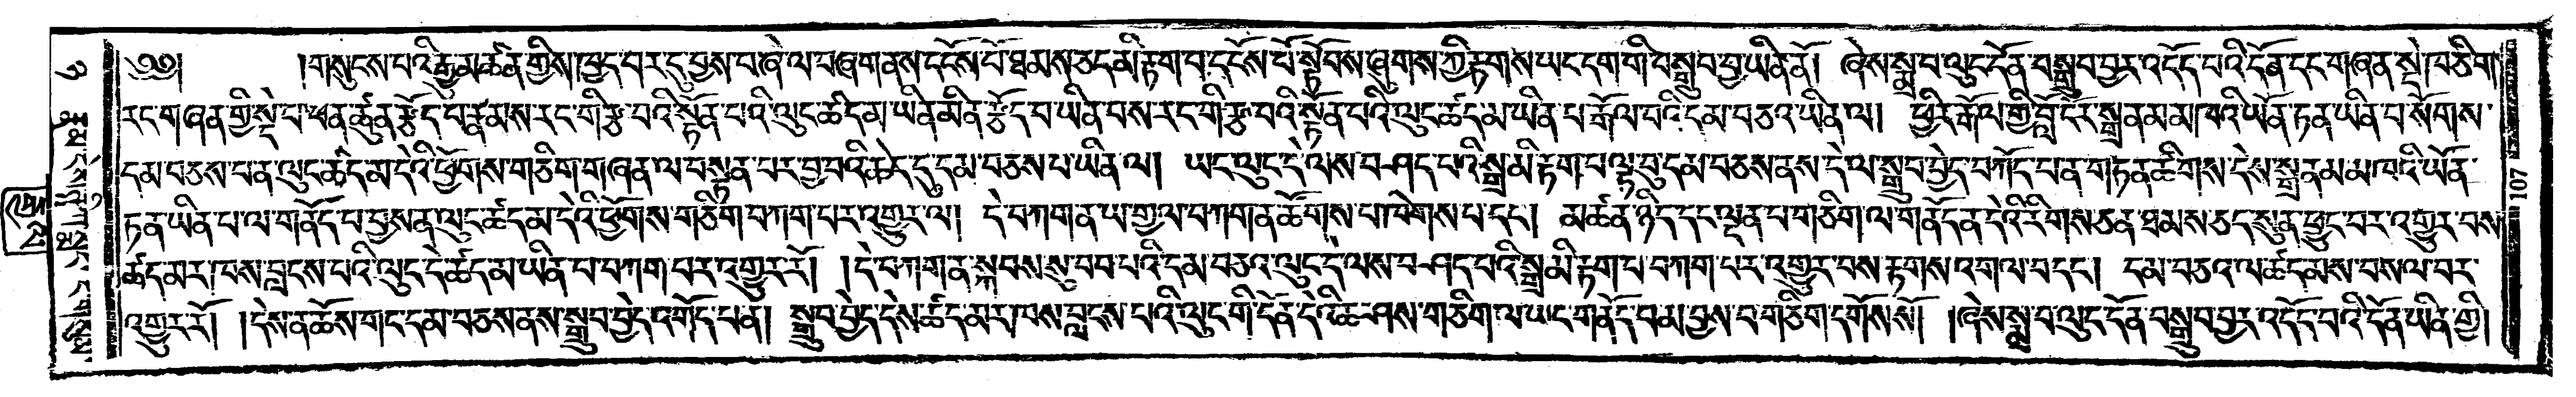༄༅། །གསུངས་པའི་རྒྱུ་མཚན་གྱིས་ཁྱད་པར་དུ་བྱས་པ་ཞེ་ལ་བཞག་ནས་དངོས་པོ་ཐམས་ཅད་མི་རྟག་པ་དངོས་པོ་སྟོབས་ཞུགས་ཀྱི་རྟགས་ཡང་དག་གི་བསྒྲུབ་བྱ་ཡིན་ནོ། ཞེས་སྨྲ་བ་ལུང་དོན་བསྒྲུབ་བྱར་འདོད་པའི་དོན་དང་གཞན་སྡེ་ཁ་ཅིག་
རང་གཞན་གྱི་སྡེ་པ་ཕན་ཚུན་རྩོད་པ་རྣམས་རང་གི་རྩ་བའི་སྟོན་པའི་ལུང་ཚད་མ་ཡིན་མིན་རྩོད་པ་ཡིན་པས་རང་གི་རྩ་བའི་སྟོན་པའི་ལུང་ཚད་མ་ཡིན་པ་རྒོལ་བའི་དམ་བཅའ་ཡིན་ལ། ཕྱིར་རྒོལ་གྱི་བློ་ངོར་སྒྲ་ནམ་མཁའི་ཡོན་ཏན་ཡིན་པ་སོགས་
དམ་བཅས་པ་ན་ལུང་ཚད་མ་དེའི་ཕྱོགས་གཅིག་གཞན་ལ་བསྟན་པར་བྱ་བའི་ཆེད་དུ་དམ་བཅས་པ་ཡིན་ལ། ཡང་ལུང་དེ་ལས་བཤད་པའི་སྒྲ་མི་རྟག་པ་ལྟ་བུ་དམ་བཅས་ནས་དེ་ལ་སྒྲུབ་བྱེད་བཀོད་པ་ན་གཏན་ཚིགས་དེས་སྒྲ་ནམ་མཁའི་ཡོན་
ཏན་ཡིན་པ་ལ་གནོད་པ་བྱས་ན་ལུང་ཚད་མ་དེའི་ཕྱོགས་གཅིག་བཀག་པར་འགྱུར་ལ། དེ་བཀག་ན་ཡ་གྱལ་བཀག་ན་ཚོགས་པ་ཁེགས་པ་དང་། མཚན་ཉིད་དང་ལྡན་པ་གཅིག་ལ་གནོད་ན་དེའི་རིགས་ཅན་ཐམས་ཅད་སུན་ཕྱུང་བར་འགྱུར་བས་
ཚད་མར་ཁས་བླངས་པའི་ལུང་དེ་ཚད་མ་ཡིན་པ་བཀག་པར་འགྱུར་རོ། །དེ་བཀག་ན་སྐབས་སུ་བབ་པའི་དམ་བཅའ་ལུང་དེ་ལས་བཤད་པའི་སྒྲ་མི་རྟག་པ་བཀག་པར་འགྱུར་པས་རྟགས་འགལ་བ་དང་། དམ་བཅའ་ལ་ཚད་མས་བསལ་བར་
འགྱུར་རོ། །དེས་ན་ཆོས་གང་དམ་བཅས་ནས་སྒྲུབ་བྱེད་འགོད་པ་ན། སྒྲུབ་བྱེད་དེས་ཚད་མར་ཁས་བླངས་པའི་ལུང་གི་དོན་དེའི་ཆ་ཤས་གཅིག་ལ་ཡང་གནོད་བ་མ་བྱས་པ་གཅིག་དགོས་སོ། །ཞེས་སྨྲ་བ་ལུང་དོན་བསྒྲུབ་བྱར་འདོད་པའི་དོན་ཡིན་གྱི།